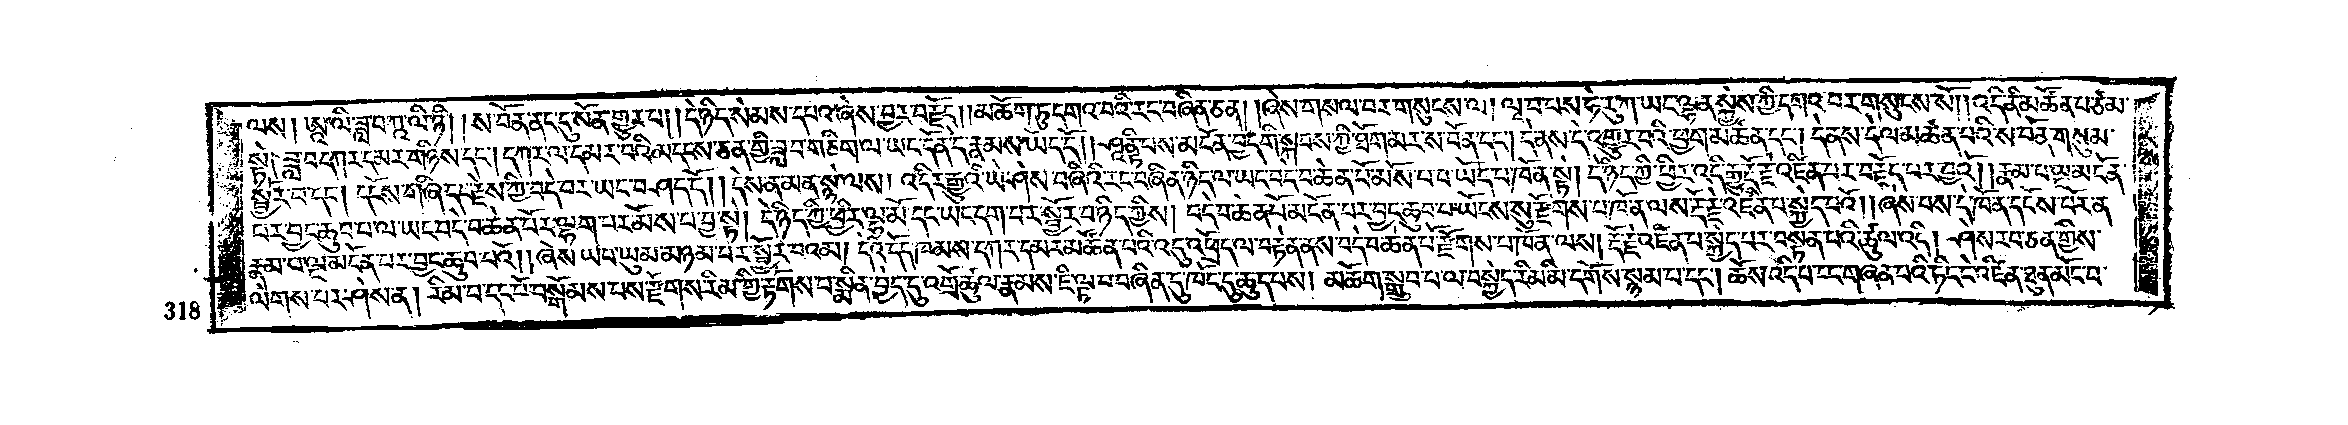ལས། ཨཱ་ལི་ཟླ་བ་ཀཱ་ལི་ཉི། །ས་བོན་ནང་དུ་སོན་གྱུར་པ། །དེ་ཉིད་སེམས་དཔའ་ཞེས་བྱར་བརྗོད། །མཆོག་ཏུ་དགའ་བའི་རང་བཞིན་ཅན། །ཞེས་གསལ་བར་གསུངས་ལ། ལྭ་བ་པས་ཧེ་རུ་ཀ་ཡང་ལྷན་སྐྱེས་ཀྱི་དགའ་བར་གསུངས་སོ། །འདི་ནི་མཚོན་པ་ཙམ་
སྟེ། ཟླ་བ་དཀར་དམར་གཉིས་དང་། དཀར་ལ་དམར་བའི་མདངས་ཅན་གྱི་ཟླ་བ་གཅིག་ལ་ཡང་དོན་དེ་རྣམས་ཡོད་དོ། །ཤཱནྟི་པས་མངོན་བྱང་གི་སྐབས་ཀྱི་ཐོག་མར་ས་བོན་དང་། དེ་ནས་དེ་འགྱུར་བའི་ཕྱག་མཚན་དང་། དེ་ནས་དེ་ལ་མཚན་པའི་ས་བོན་གསུམ་
སྦྱོར་བ་དང་། དངོས་གཞི་དང་རྗེས་ཀྱི་བདེ་བར་ཡང་བཤད་དོ། །དེས་ན་མན་སྙེ་ལས། འདིར་རྒྱུའི་ཡེ་ཤེས་བཞིའི་རང་བཞིན་ཉིད་ལ་ཡང་བདེ་བ་ཆེན་པོ་མོས་པ་བ་ཡོད་པ་ཁོ་ན་སྟེ། དེ་ཉིད་ཀྱི་ཕྱིར་འདི་རྒྱུ་རྡོ་རྗེ་འཛིན་པར་བརྗོད་པར་བྱའོ། །རྣམ་པ་ལྔ་མངོན་
པར་བྱང་ཆུབ་པ་ལ་ཡང་བདེ་བ་ཆེན་པོར་ལྷག་པར་མོས་པ་བྱ་སྟེ། དེ་ཉིད་ཀྱི་ཕྱིར་ལྷ་མོ་དང་ཡང་དག་པར་སྦྱོར་བ་ཉིད་ཀྱིས། བདེ་བ་ཆེན་པོ་མངོན་པར་བྱང་ཆུབ་པ་ཡོངས་སུ་རྫོགས་པ་ཁོ་ན་ལས་རྡོ་རྗེ་འཛིན་པ་སྐྱེད་པའོ། །ཞེས་པས་དེ་ཁོ་ན་དངོས་པོར་ན་
རྣམ་པ་ལྔ་མངོན་པར་བྱང་ཆུབ་པའོ། །ཞེས་ཡབ་ཡུམ་མཉམ་པར་སྦྱོར་བའམ། དེའི་དོད་ཁམས་དཀར་དམར་མཚོན་པའི་འདུ་འཕྲོད་ལ་བརྟེན་ནས་བདེ་བ་ཆེན་པོ་རྫོགས་པ་ཁོ་ན་ལས། རྡོ་རྗེ་འཛིན་པ་སྐྱེད་པར་བསྟན་པའི་ཚུལ་འདི། ཤེས་རབ་ཅན་གྱིས་
ལེགས་པར་ཤེས་ན། རིམ་པ་དང་པོ་བསྒོམས་པས་རྫོགས་རིམ་གྱི་རྟོགས་པ་སྨིན་བྱེད་དུ་འགྲོ་ཚུལ་རྣམས་ཇི་ལྟ་བ་བཞིན་དུ་ཁོང་དུ་ཆུད་པས། མཆོག་སྒྲུབ་པ་ལ་བསྐྱེད་རིམ་མི་དགོས་སྙམ་པ་དང་། ཆོས་འདི་པ་དང་གཞན་པའི་ཏིང་ངེ་འཛིན་ཐུན་མོང་བ་